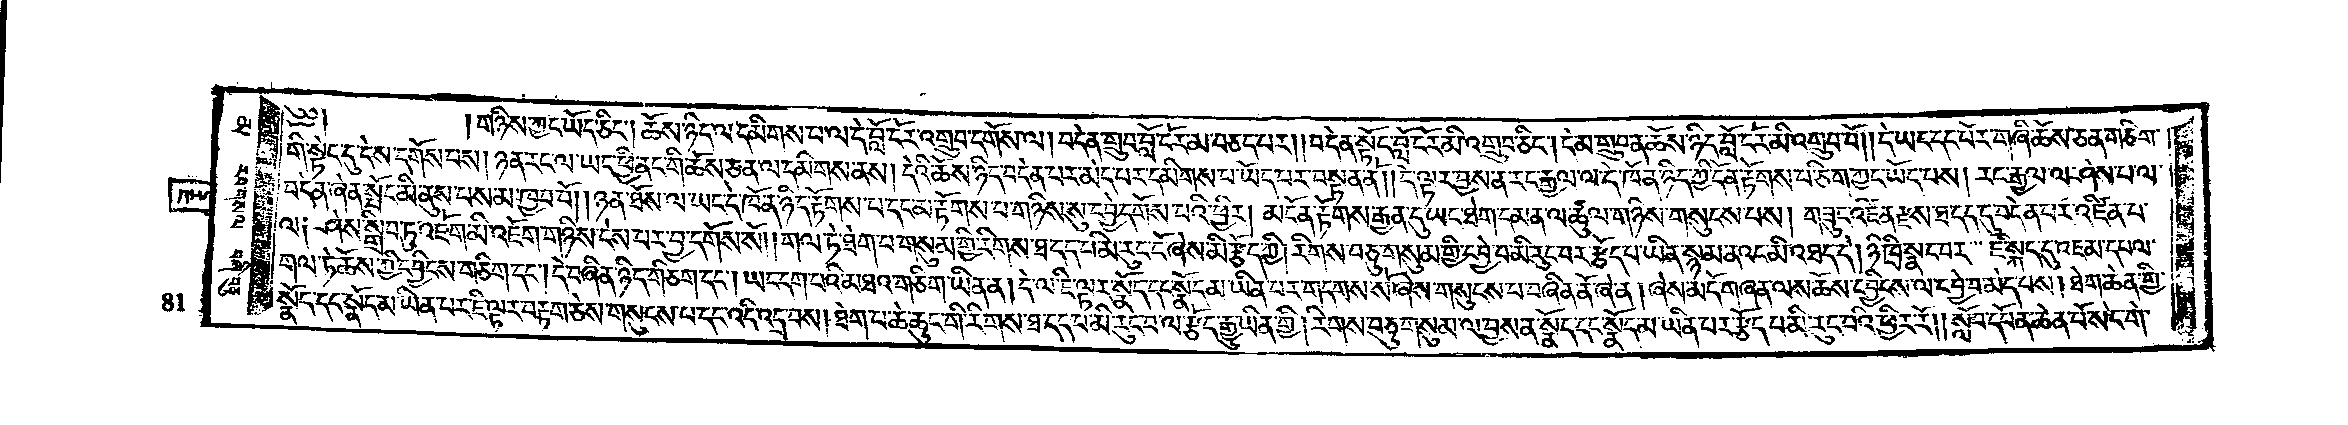༄༅། །གཉིས་ཀྱང་ཡོད་ཅིང་། ཆོས་ཉིད་ལ་དམིགས་པ་ལ་དེ་བློ་ངོར་འགྲུབ་དགོས་ལ། བདེན་གྲུབ་བློ་ངོར་མ་བཅད་པར། །བདེན་སྟོང་བློ་ངོར་མི་འགྲུབ་ཅིང་། དེ་མ་གྲུབ་ན་ཆོས་ཉིད་བློ་ངོར་མི་འགྲུབ་བོ། །དེ་ཡང་དང་པོར་གཞི་ཆོས་ཅན་གཅིག་
གི་སྟེང་དུ་ངེས་དགོས་པས། ཉན་རང་ལ་ཡང་ཕྱི་ནང་གི་ཆོས་ཅན་ལ་དམིགས་ནས། དེའི་ཆོས་ཉིད་བདེན་པར་མེད་པར་དམིགས་པ་ཡོད་པར་བསྟན་ནོ། །དེ་ལྟར་བྱས་ན་རང་རྒྱལ་ལ་དེ་ཁོ་ན་ཉིད་ཀྱི་དོན་རྟོགས་པ་ཞིག་ཀྱང་ཡོད་པས། རང་རྒྱལ་ལ་ཤེས་པ་ལ་
བདེན་ཞེན་སྤོང་མི་ནུས་པས་མ་ཁྱབ་བོ། །ཉན་ཐོས་ལ་ཡང་དེ་ཁོ་ན་ཉིད་རྟོགས་པ་དང་མ་རྟོགས་པ་གཉིས་སུ་དབྱེ་དགོས་པའི་ཕྱིར། མངོན་རྟོགས་རྒྱན་དུ་ཡང་ཐེག་དམན་ལ་ཚུལ་གཉིས་གསུངས་པས། གཟུང་འཛིན་རྫས་ཐ་དད་དུ་བདེན་པར་འཛིན་པ་
ལ། ཤེས་སྒྲིབ་ཏུ་འཇོག་མི་འཇོག་གཉིས་ངེས་པར་བྱ་དགོས་སོ། །གལ་ཏེ་ཐེག་པ་གསུམ་གྱི་རིགས་ཐ་དད་པ་མི་རུང་ངོ་ཞེས་མི་རྩོད་ཀྱི། རིགས་བཅུ་གསུམ་གྱི་དབྱེ་བ་མི་རུང་བར་རྩོད་པ་ཡིན་སྙམ་ནའང་མི་འཐད་དེ། ཉི་ཁྲི་སྣང་བར་ཇི་སྐད་དུ་འཇམ་དཔལ་
གལ་ཏེ་ཆོས་ཀྱི་དབྱིངས་གཅིག་དང་། དེ་བཞིན་ཉིད་གཅིག་དང་། ཡང་དག་པའི་མཐའ་གཅིག་ཡིན་ན། དེ་ལ་ཇི་ལྟར་སྣོད་དང་སྣོད་མ་ཡིན་པར་གདགས་སོ་ཞེས་གསུངས་པ་བཞིན་ནོ་ཞེ་ན། ཞེས་མདོ་གཞན་ལས་ཆོས་དབྱིངས་ལ་དབྱེ་བ་མེད་པས། ཐེག་ཆེན་གྱི་
སྣོད་དང་སྣོད་མ་ཡིན་པར་ཇི་ལྟར་བརྟག་ཅེས་གསུངས་པ་དང་འདི་འདྲ་བས། ཐེག་པ་ཆེ་ཆུང་གི་རིགས་ཐ་དད་པ་མི་རུང་བ་ལ་རྩོད་རྒྱུ་ཡིན་གྱི། རིགས་བཅུ་གསུམ་ལ་བྱས་ན་སྣོད་དང་སྣོད་མ་ཡིན་པར་རྩོད་པ་མི་རུང་བའི་ཕྱིར་རོ། །སློང་དཔོན་ཆེན་པོ་སེང་གེ་